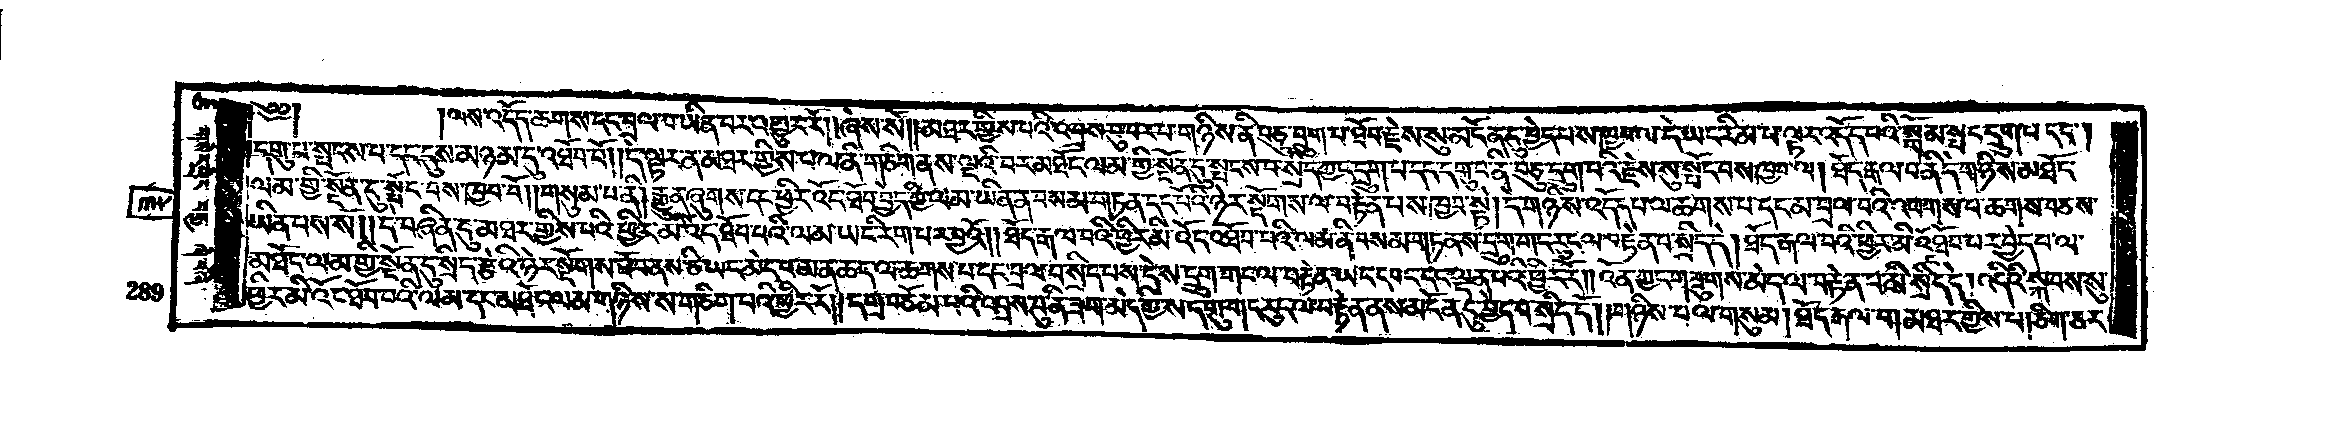༄༅། །ལས་འདོད་ཆགས་དང་བྲལ་བ་ཡིན་པར་འགྱུར་རོ། །ཞེས་སོ། །མཐར་གྱིས་པའི་འབྲས་བུ་བར་པ་གཉིས་ནི་བཅུ་དྲུག་པ་ཐོབ་རྗེས་སུ་མངོན་དུ་བྱེད་པས་ཁྱབ་ལ་དེ་ཡང་རིམ་པ་ལྟར་འདོད་པའི་སྒོམ་སྤང་དྲུག་པ་དང་།
དགུ་པ་སྤངས་པ་དང་དུས་མཉམ་དུ་འཐོབ་བོ། །དེ་ལྟར་ན་མཐར་གྱིས་པ་ལ་ནི་གཅིག་ནས་ལྔའི་བར་མཐོང་ལམ་གྱི་སྔོན་དུ་སྤངས་པ་སྲིད་ཀྱང་དྲུག་པ་དང་དགུ་པ་ནི་བཅུ་དྲུག་པའི་རྗེས་སུ་སྤོང་བས་ཁྱབ་ལ། ཐོད་རྒལ་བ་ནི་དེ་གཉིས་མཐོང་
ལམ་གྱི་སྔོན་དུ་སྤོང་བས་ཁྱབ་བོ། །གསུམ་པ་ནི། རྒྱུན་ཞུགས་དང་ཕྱིར་འོང་ཐོབ་བྱེད་ཀྱི་ལམ་ཡིན་ན་བསམ་གཏན་དང་པོའི་ཉེར་སྡོགས་ལ་བརྟེན་པས་ཁྱབ་སྟེ། དེ་གཉིས་འདོད་པ་ལ་ཆགས་པ་དང་མ་བྲལ་བའི་འཕགས་པ་ཆགས་བཅས་
ཡིན་པས་སོ། །དེ་བཞིན་དུ་མཐར་གྱིས་པའི་ཕྱིར་མི་འོང་ཐོབ་པའི་ལམ་ཡང་རིག་པར་བྱའོ། །ཐོད་རྒལ་བའི་ཕྱིར་མི་འོང་འཐོབ་པའི་ལམ་ནི་བསམ་གཏན་ས་དྲུག་གང་རུང་ལ་བརྟེན་པ་སྲིད་དེ། ཐོད་རྒལ་བའི་ཕྱིར་མི་འོང་ཐོབ་པར་བྱེད་པ་ལ་
མཐོང་ལམ་གྱི་སྔོན་དུ་སྲིད་རྩེའི་ཉེར་སྡོགས་ཐོབ་ནས་ཅི་ཡང་མེད་པ་མན་ཆད་ལ་ཆགས་པ་དང་བྲལ་བ་སྲིད་པས་དེ་ས་དྲུག་གང་ལ་བརྟེན་ཡང་དབང་དང་ལྡན་པའི་ཕྱིར་རོ། །འོན་ཀྱང་གཟུགས་མེད་ལ་བརྟེན་པ་མི་སྲིད་དེ། འདིའི་སྐབས་སུ་
ཕྱིར་མི་འོང་ཐོབ་པའི་ལམ་དང་མཐོང་ལམ་གཉིས་ས་གཅིག་པའི་ཕྱིར་རོ། །དགྲ་བཅོམ་པའི་འབྲས་བུ་ནི་ཟག་མེད་ཀྱི་ས་དགུ་གང་རུང་ལ་བརྟེན་ནས་མངོན་དུ་བྱེད་པ་སྲིད་དོ། །གཉིས་པ་ལ་གསུམ། ཐོད་རྒལ་བ། མཐར་གྱིས་པ། ཅིག་ཅར་